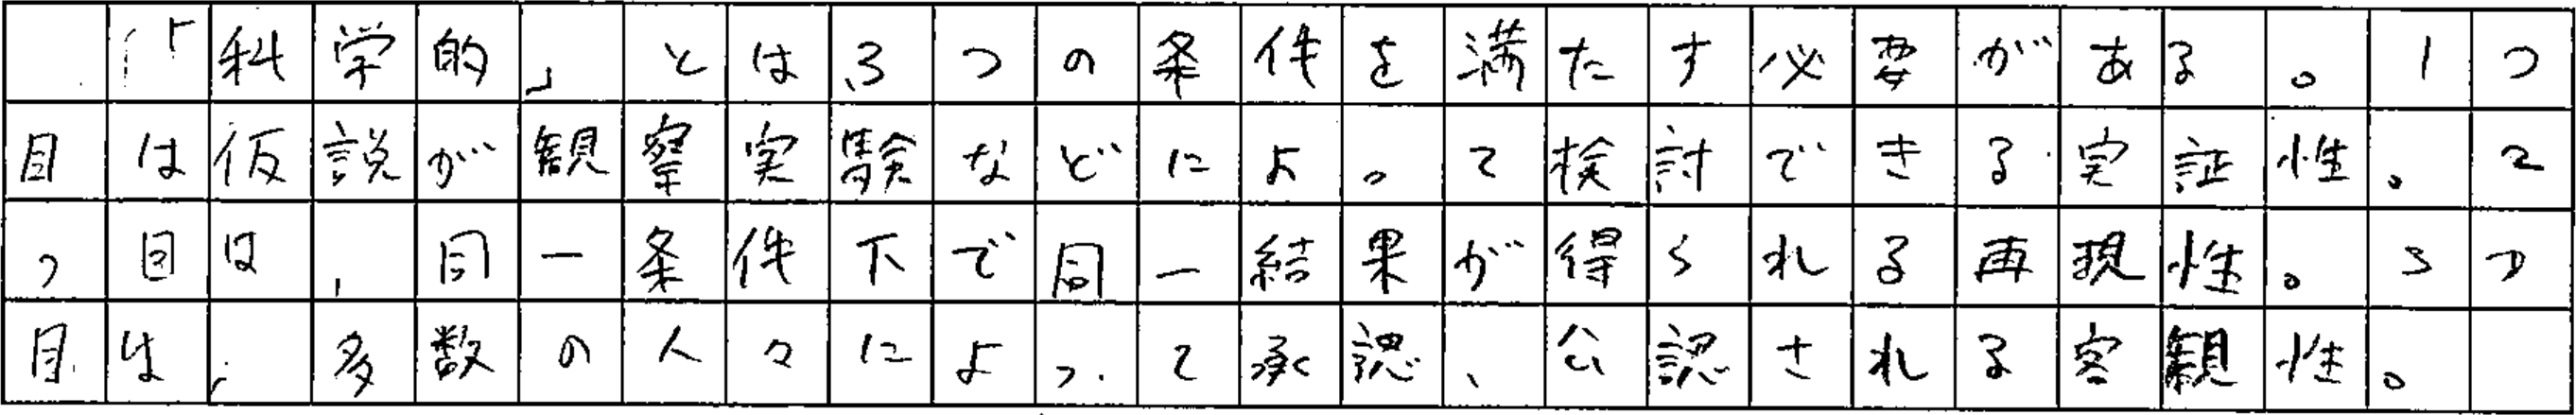　「科学的」とは３つの条件を満たす必要がある。１つ目は仮説が観察実験などによって検討できる実証性。２つ目は、同一条件下で同一結果が得られる再現性。３つ目は、多数の人々によって承認、公認される客観性。
